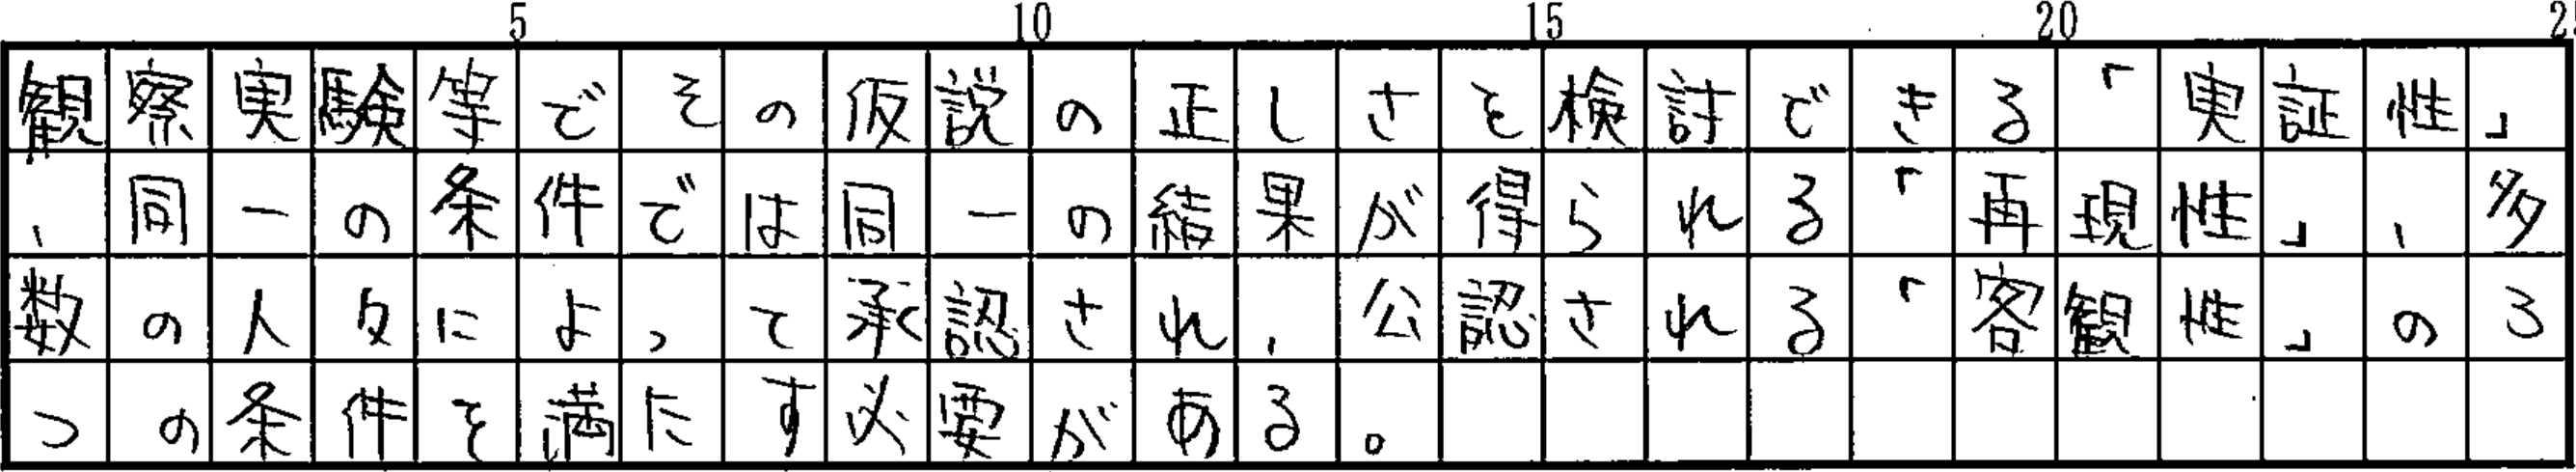観察実験等でその仮説の正しさを検討できる「実証性」、同一の条件では同一の結果が得られる「再現性」、多数の人々によって承認され、公認される「客観性」の３つの条件を満たす必要がある。
